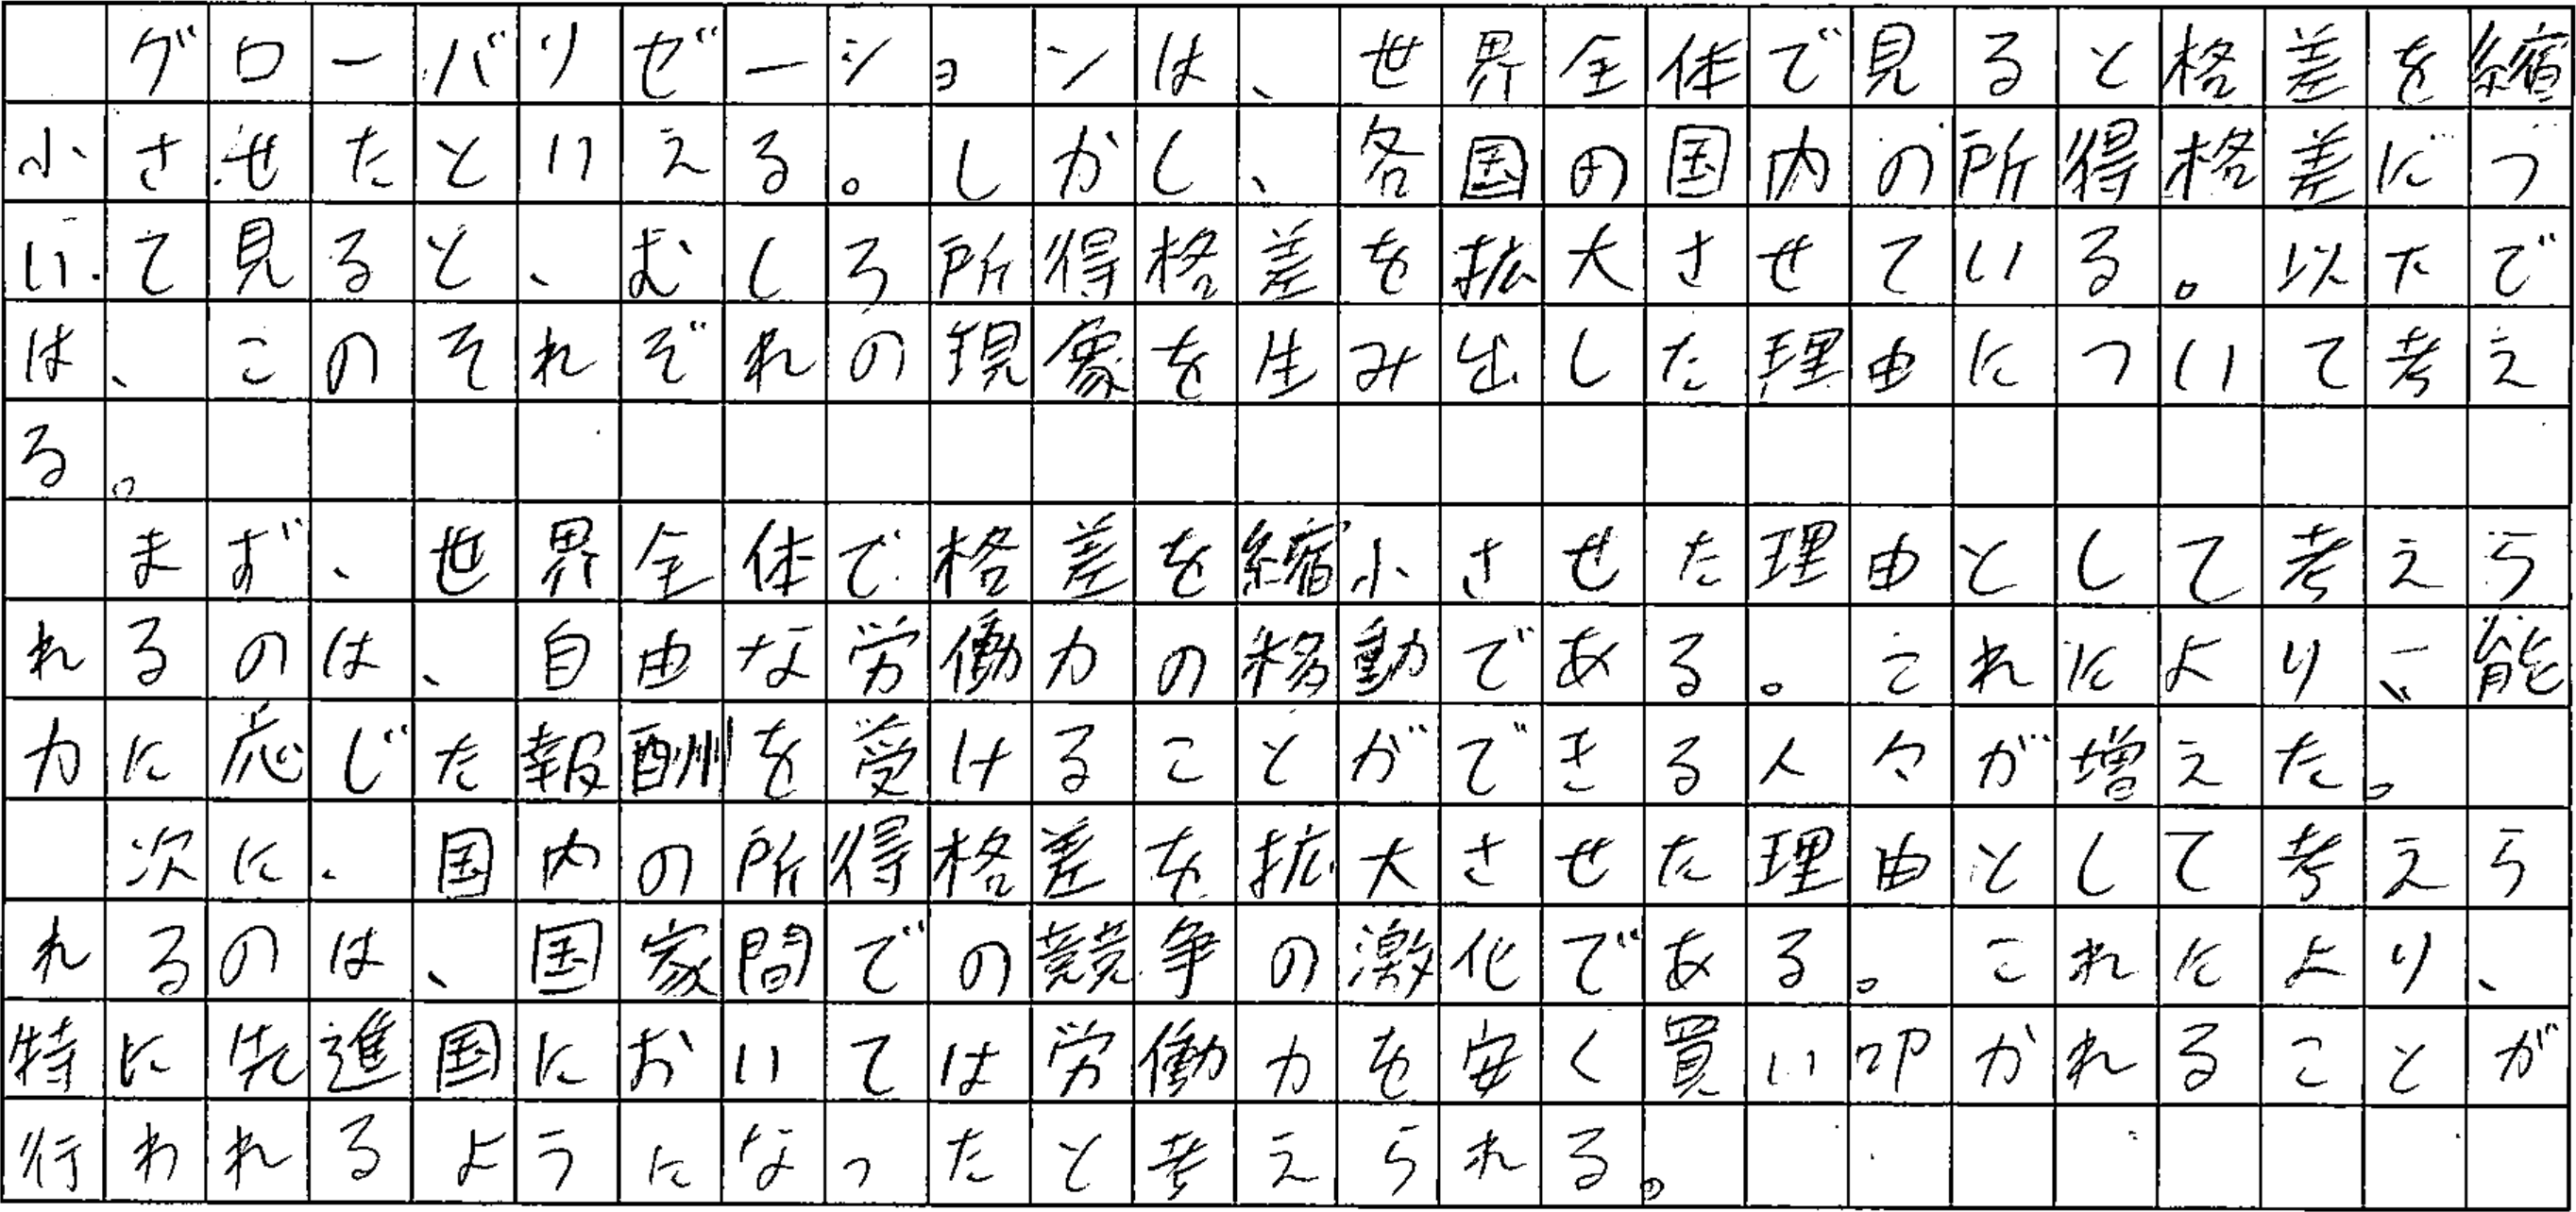　グローバリゼーションは、世界全体で見ると格差を縮小させたといえる。しかし、各国の国内の所得格差について見ると、むしろ所得格差を拡大させている。以下では、このそれぞれの現象を生み出した理由について考える。
　まず、世界全体で格差を縮小させた理由として考えられるのは、自由な労働力の移動である。これにより、能力に応じた報酬を受けることができる人々が増えた。
　次に、国内の所得格差を拡大させた理由として考えられるのは、国家間での競争の激化である。これにより、特に先進国においては労働力を安く買い叩かれることが行われるようになったと考えられる。
